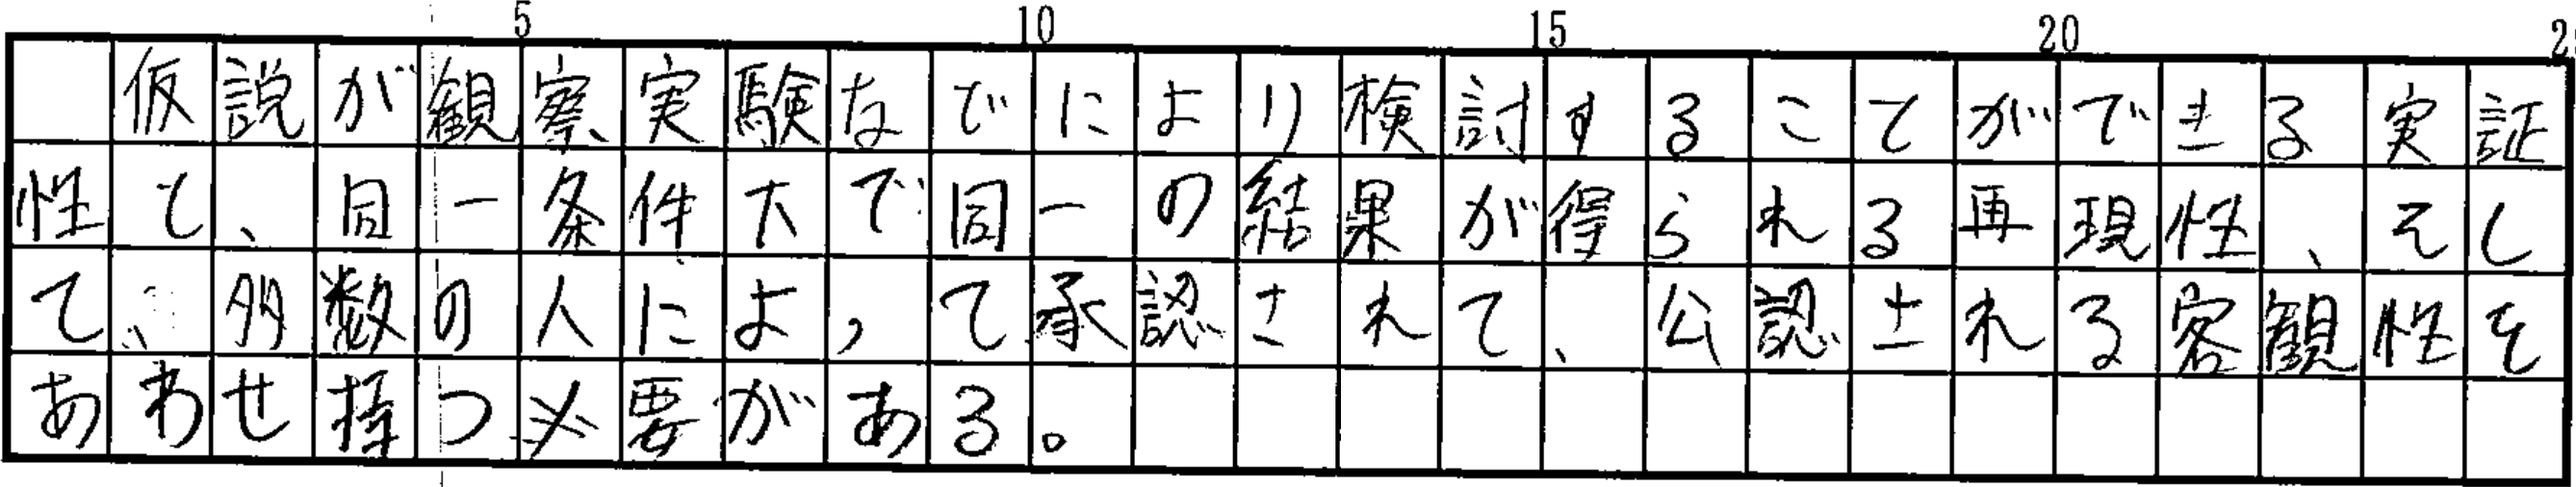　仮説が観察実験などにより検討することができる実証性と、同一条件下で同一の結果が得られる再現性、そして、多数の人によって承認されて、公認される客観性をあわせ持つ必要がある。
